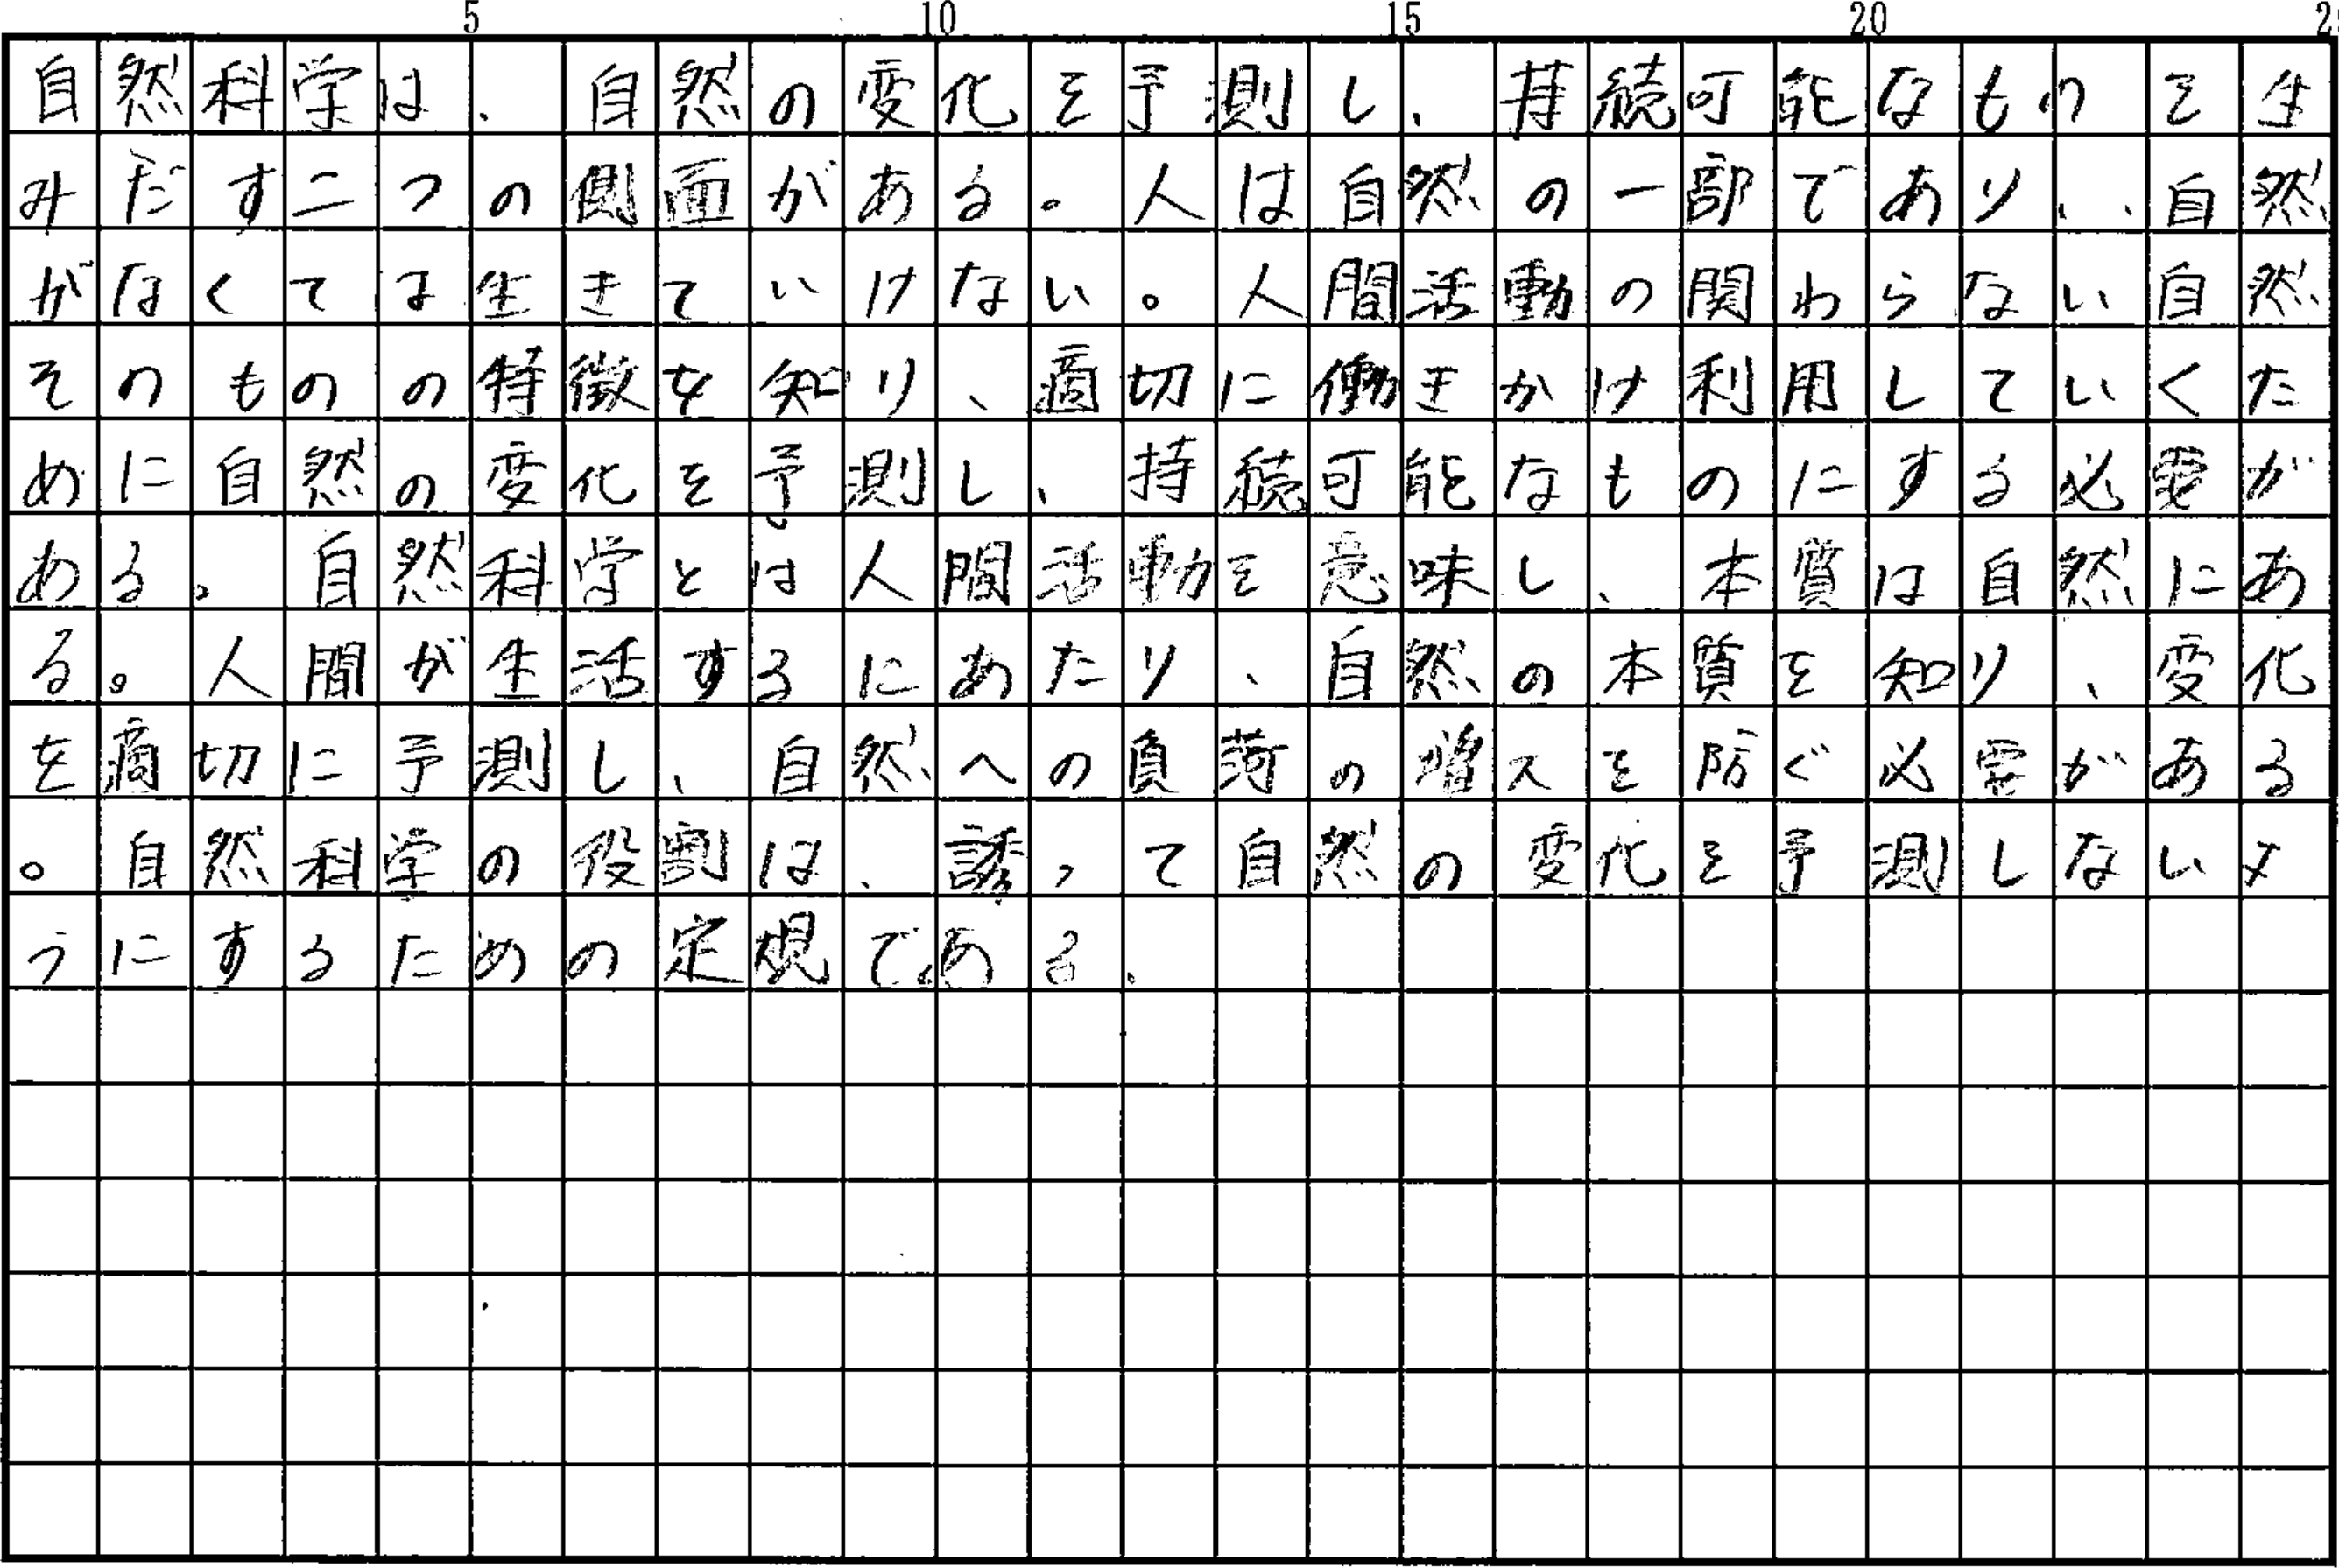自然科学は、自然の変化を予測し、持続可能なものを生み出す二つの側面がある。人は自然の一部であり、自然がなくては生きていけない。人間活動の関わらない自然そのものの特徴を知り、適切に働きかけ利用していくために自然の変化を予測し、持続可能なものにする必要がある。自然科学とは人間活動を意味し、本質は自然にある。人間が生活するにあたり、自然の本質を知り、変化を適切に予測し、自然への負菏の増大を防ぐ必要がある。自然科学の役割は、誘って自然の変化を予測しないようにするための定規である。
